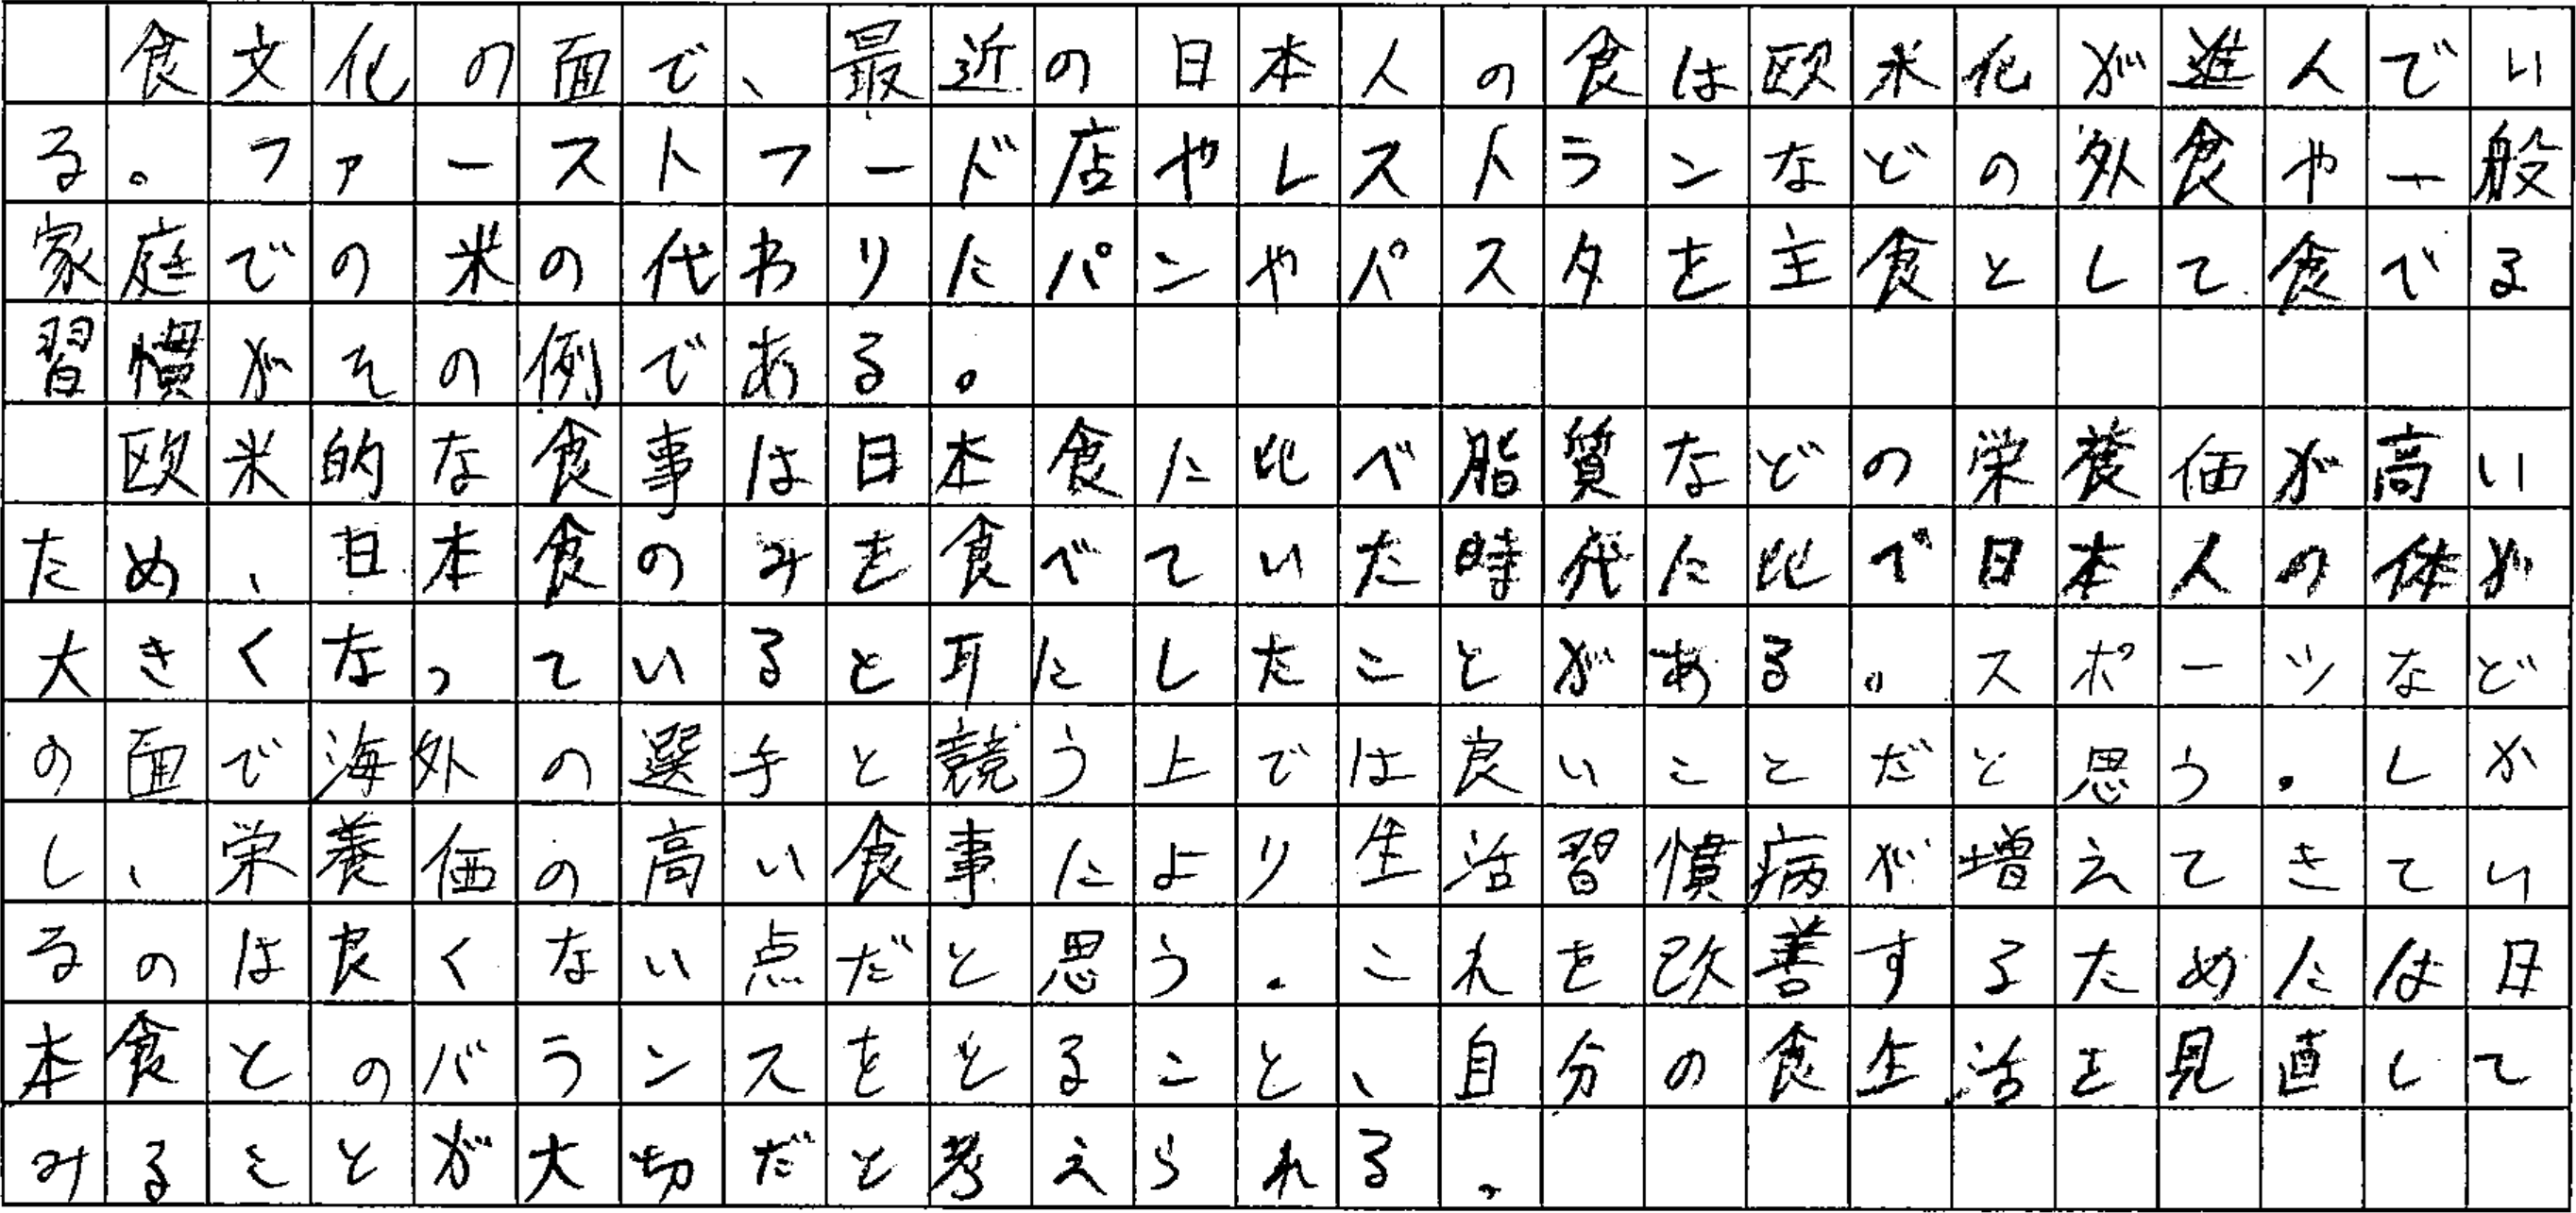　食文化の面で、最近の日本人の食は欧米化が進んでいる。ファーストフード店やレストランなどの外食や一般家庭での米の代わりにパンやパスタを主食として食べる習慣がその例である。
　欧米的な食事は日本食に比べ脂質などの栄▁価が高いため、日本食のみを食べていた時代に比べ日本人の体が大きくなっていると耳にしたことがある。スポーツなどの面で海外の選手と競う上では良いことだと思う。しかし、栄養価の高い食事により生活習慣病が増えてきているのは良くない点だと思う。これを改善するためには日本食とのバランスをとること、自分の食生活を見直してみることが大切だと考えられる。
